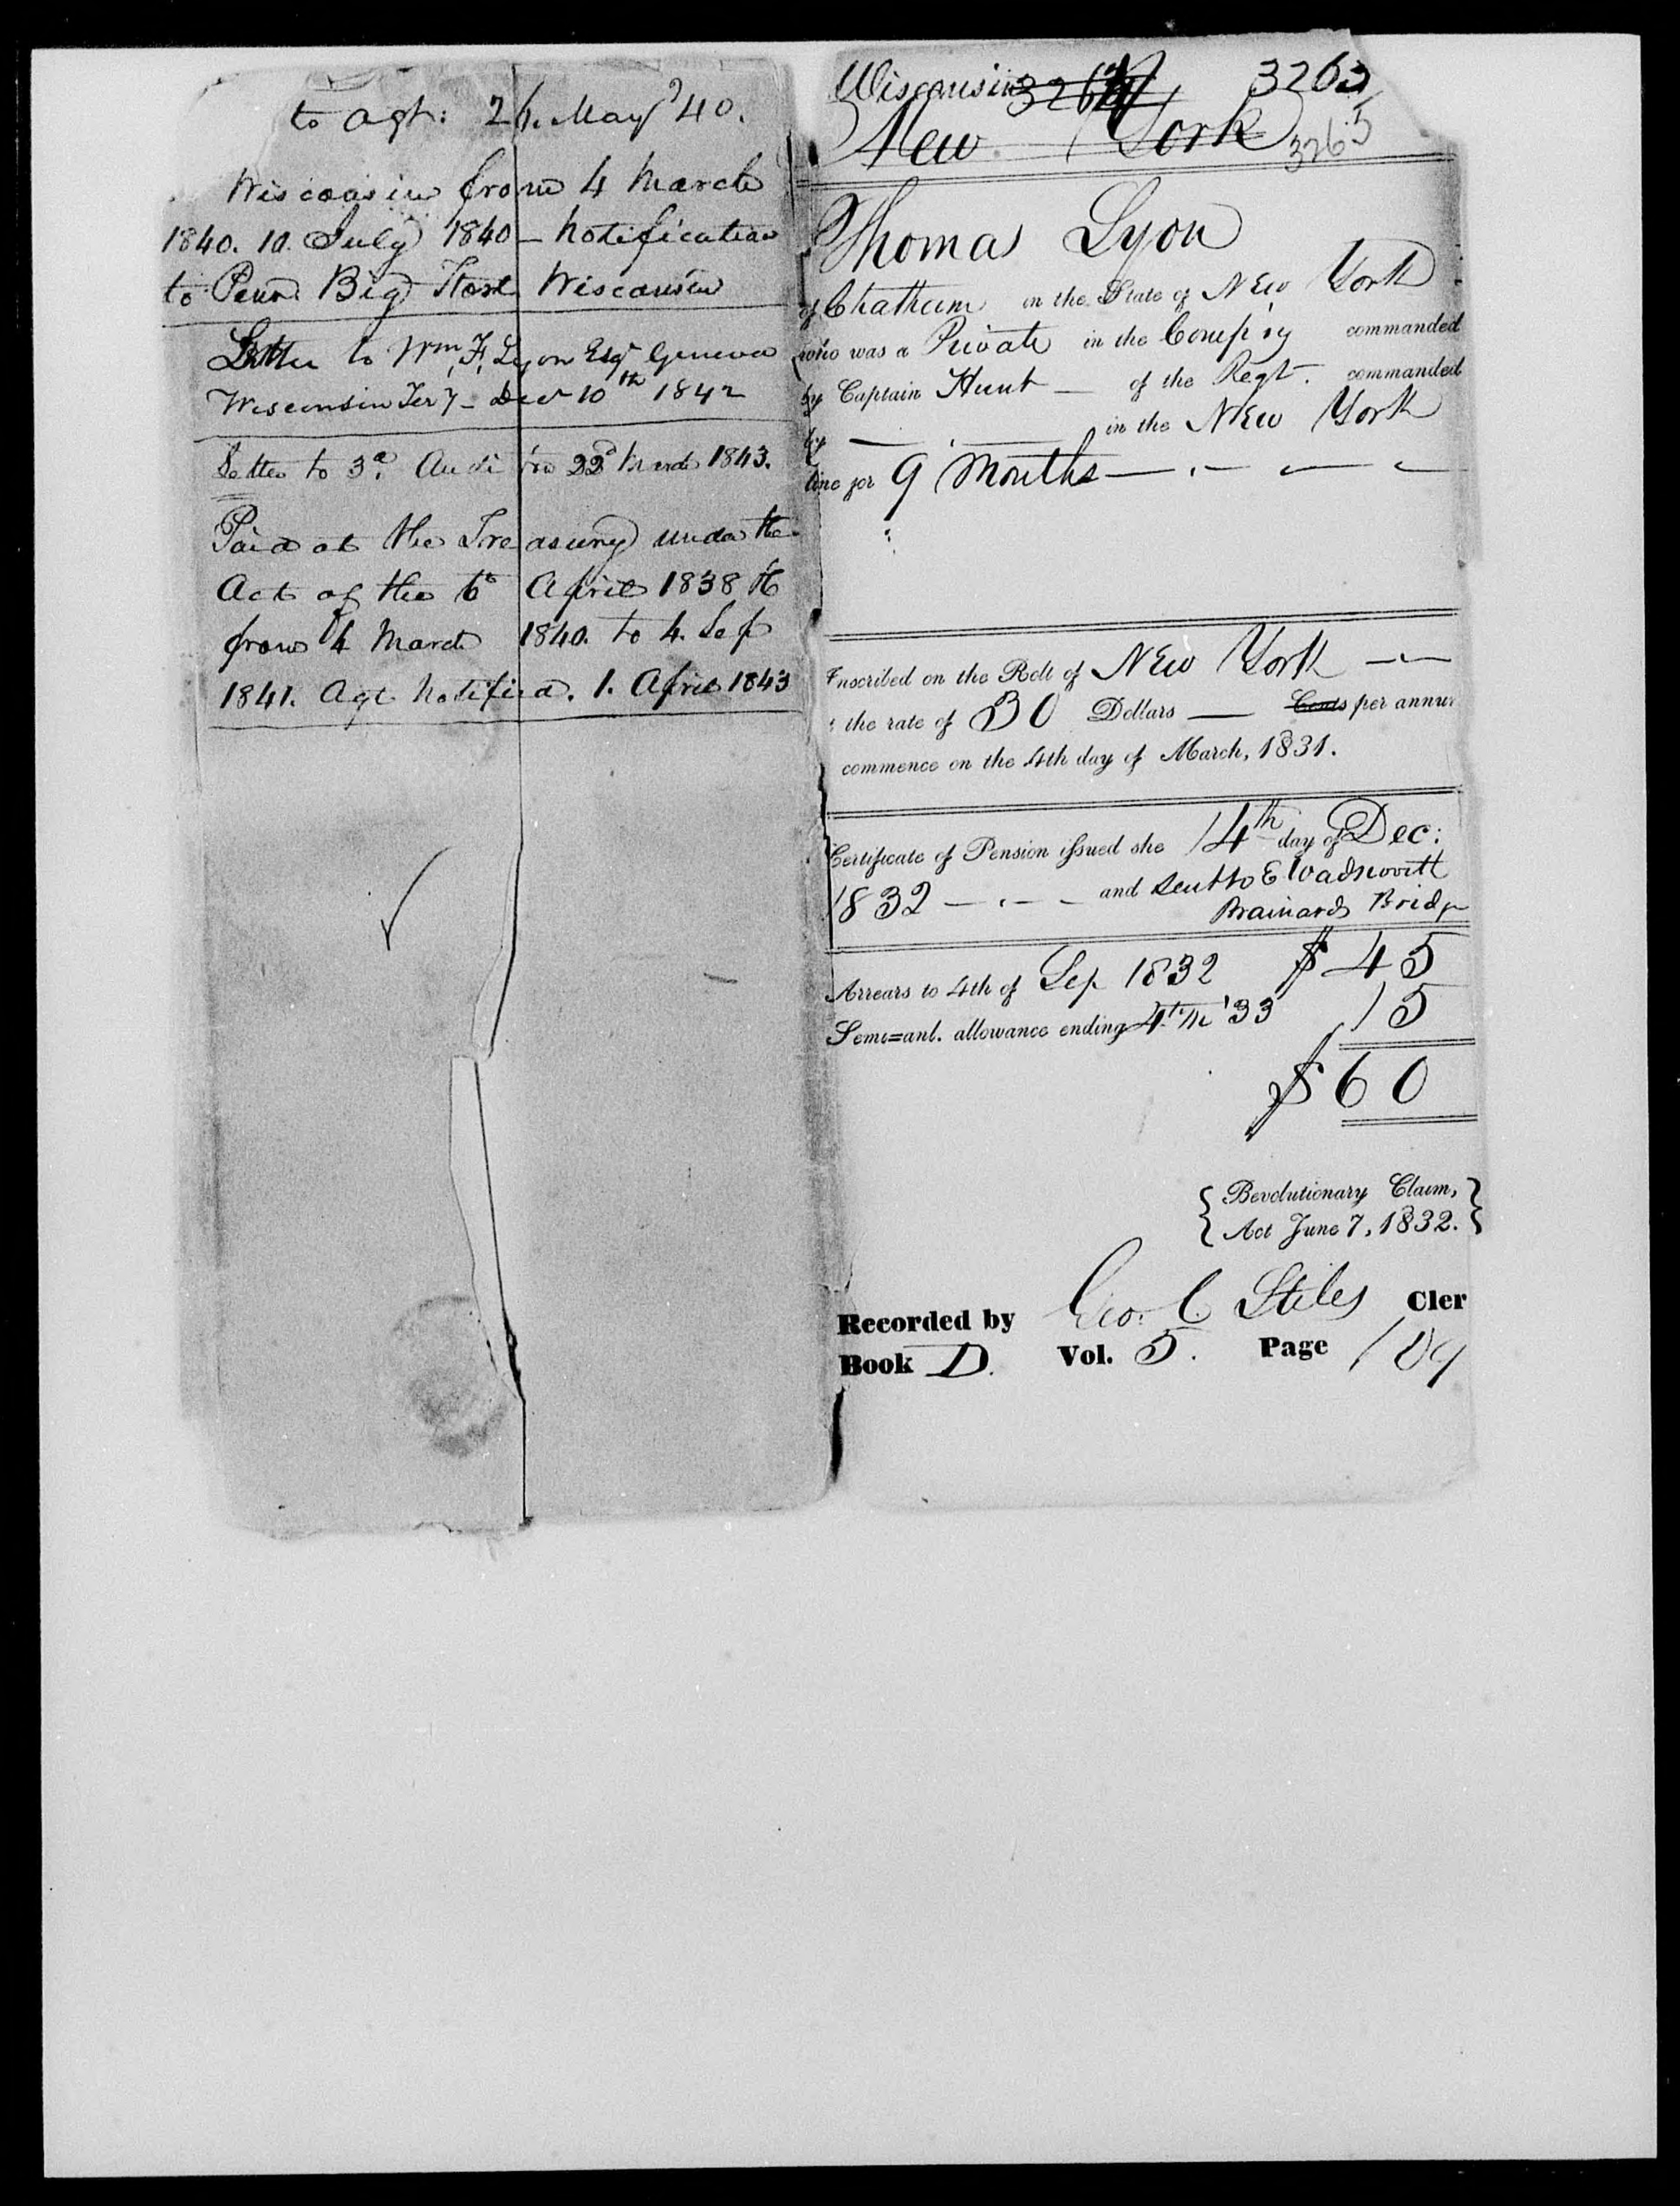to agt: 26 May 40.
Wisconsin from 4 March
1840. 10 July 1840
Notification
to Penn. Big [Stost?] Wisconsin
---
Letter to Wm F. Lyon Esq Geneva
Wisconsin Ter - Dec 10th 1842
---
Letter to 3d Andi[??] 22d March 1843
Paid at the Treasury under the 
act of the 6th April 1838
from 4 March 1840. to 4 Sep
1841. Agt Notified 1. April 1843
----
Wisconsin 3265
=====
Thomas Lyon
of Chatham in the State of New York
was a Private in the Company commanded
by Captain Hunt of the Regt commanded 
by ___, ___ in the New York
line for 9 months ----
---
Inscribed on the Roll of New York
at the rate of 30 Dollars per annum
commence on the 4th day of March, 1831
----
Certificate of Pension issued the 14th day of Dec. 1832 ___ and sent to Elvadsworth[?]
Brainards Bridge
---
Arrears to 4th of Sep 1832  $45
Semi=anl allowance ending 4th M '33  15
====
$60
====
Revolutionary Claim,
Act June 7, 1832.
====
Recorded by Geo. L. Stiles Clerk
Book D. Vol 5 Page 109[104?]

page: 2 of 28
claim: survivor's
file: S. 21,872, for Thomas Lyon, New York